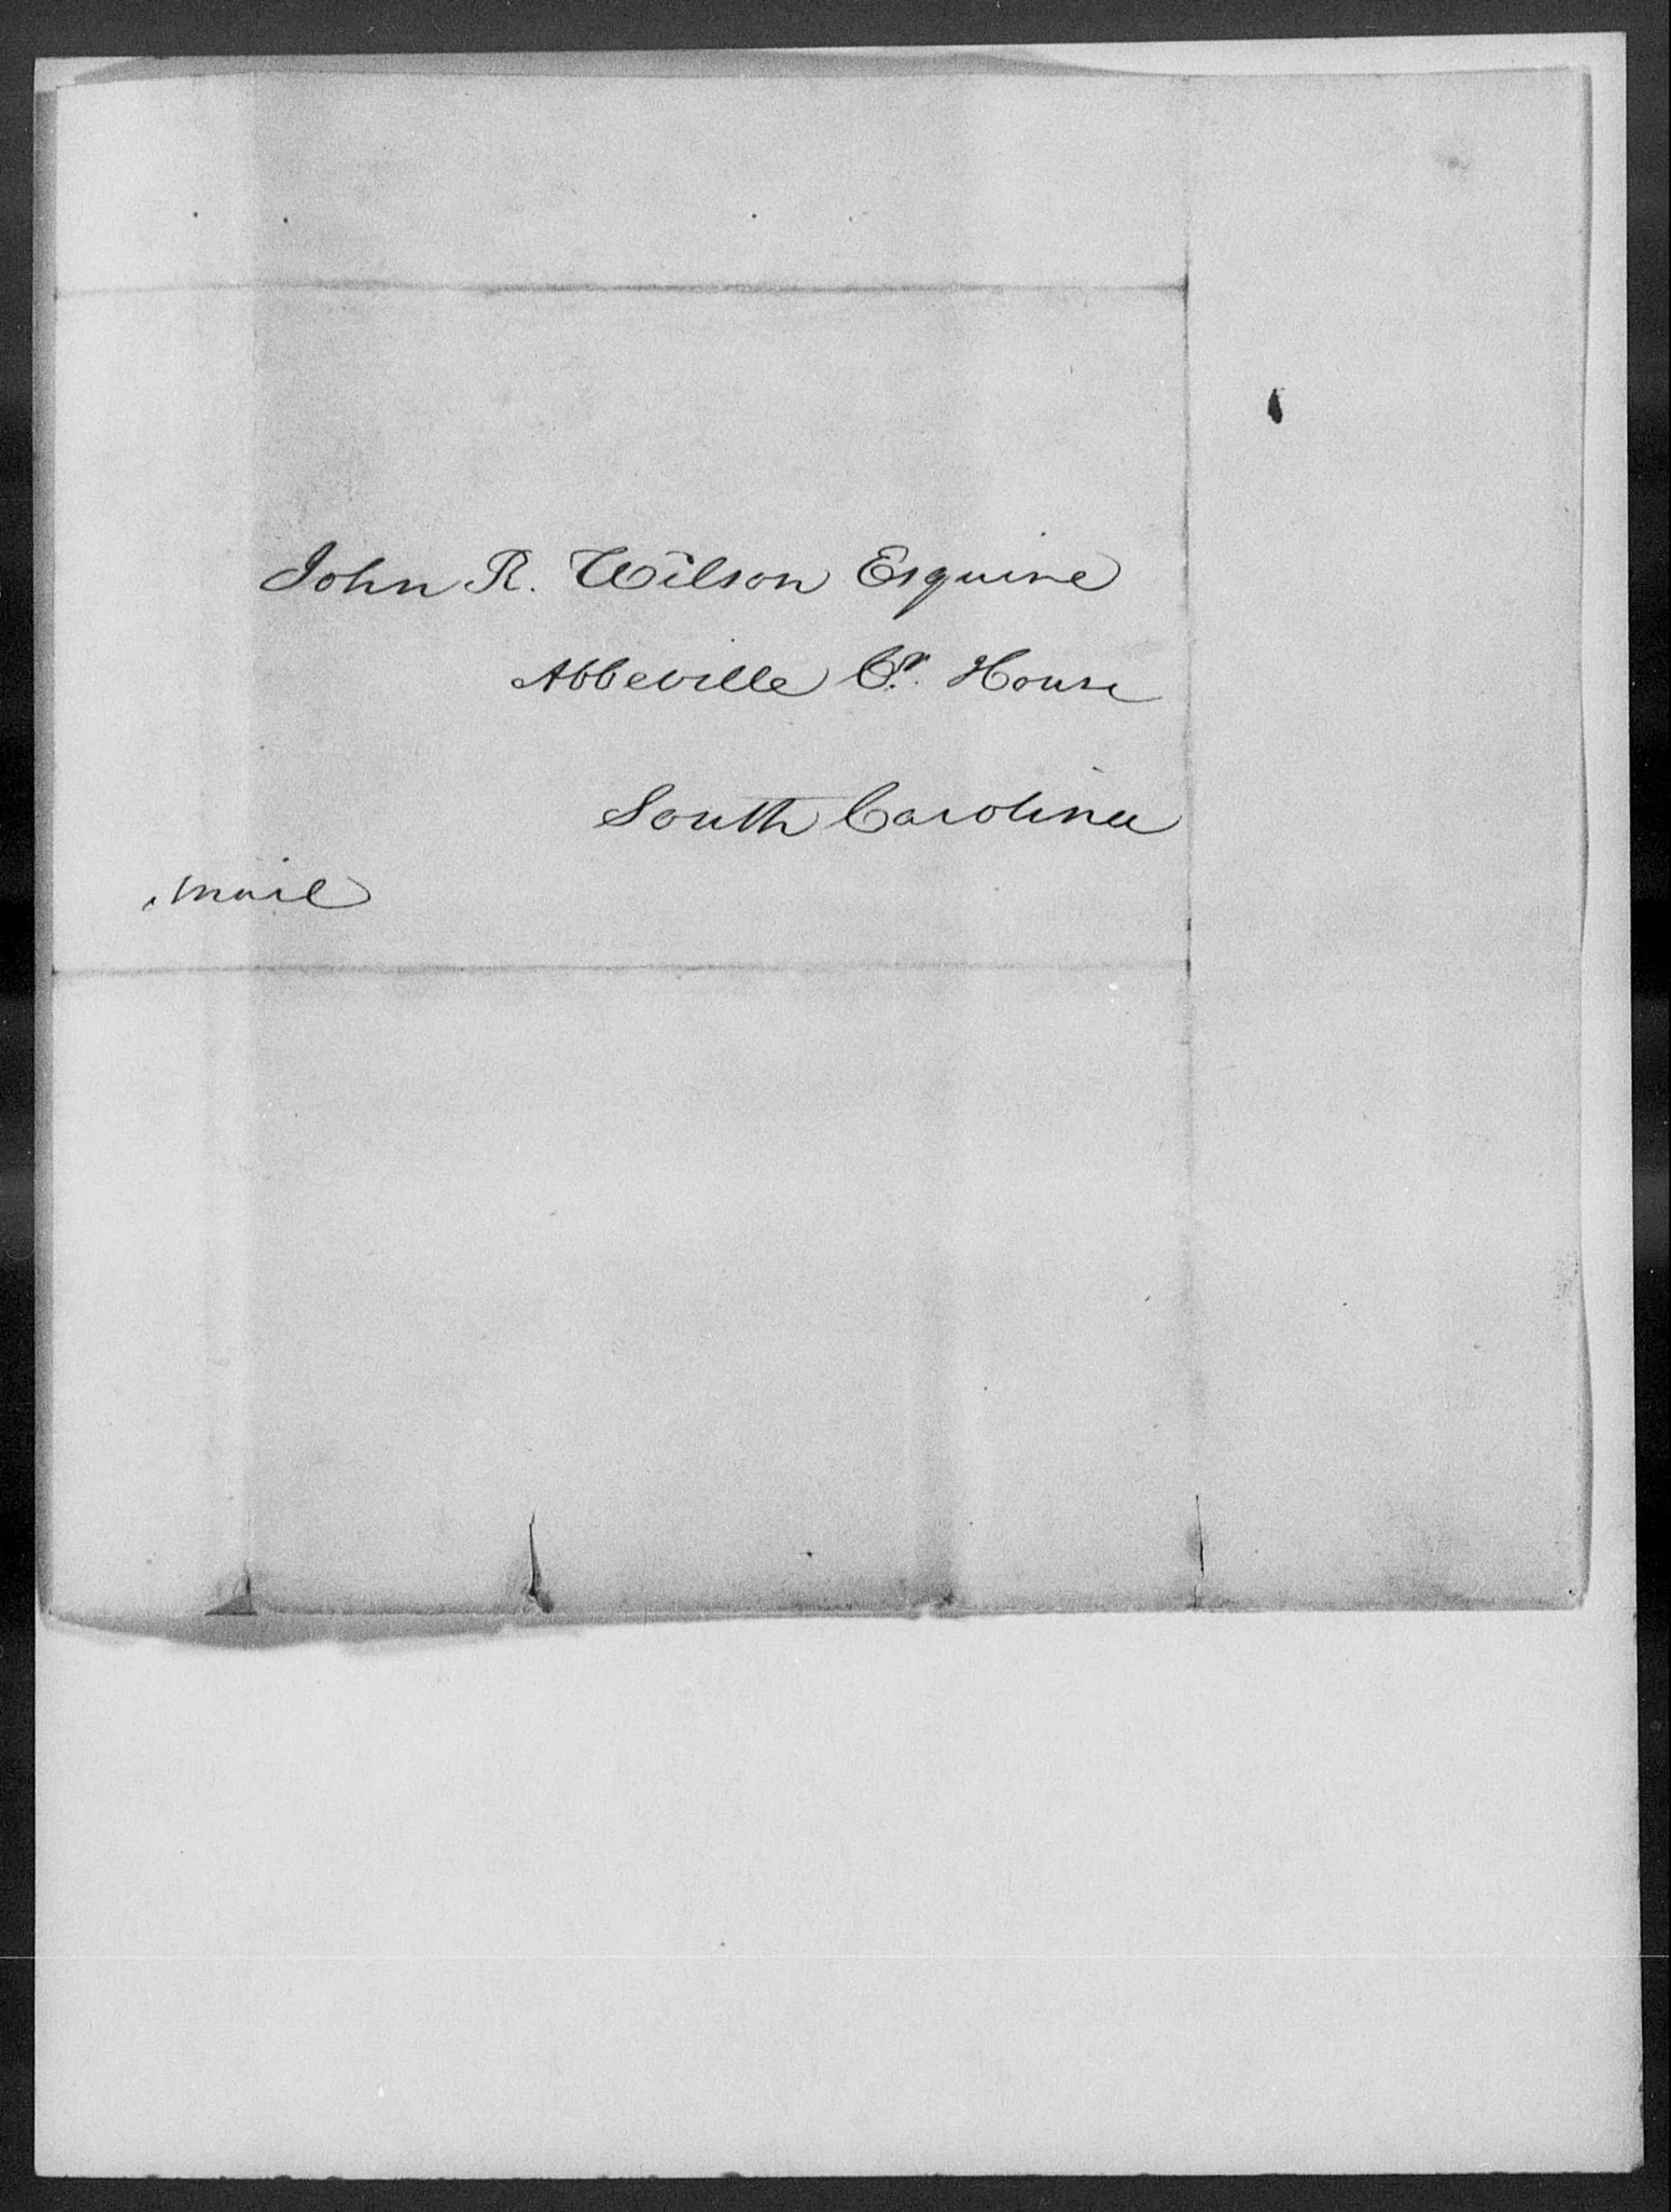John R. Wilson Esquire
Abbeville C. House
South Carolina
mail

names: John R Wilson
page: 31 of 91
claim: widow's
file: W. 10576, Francis Carlisle, S.C.